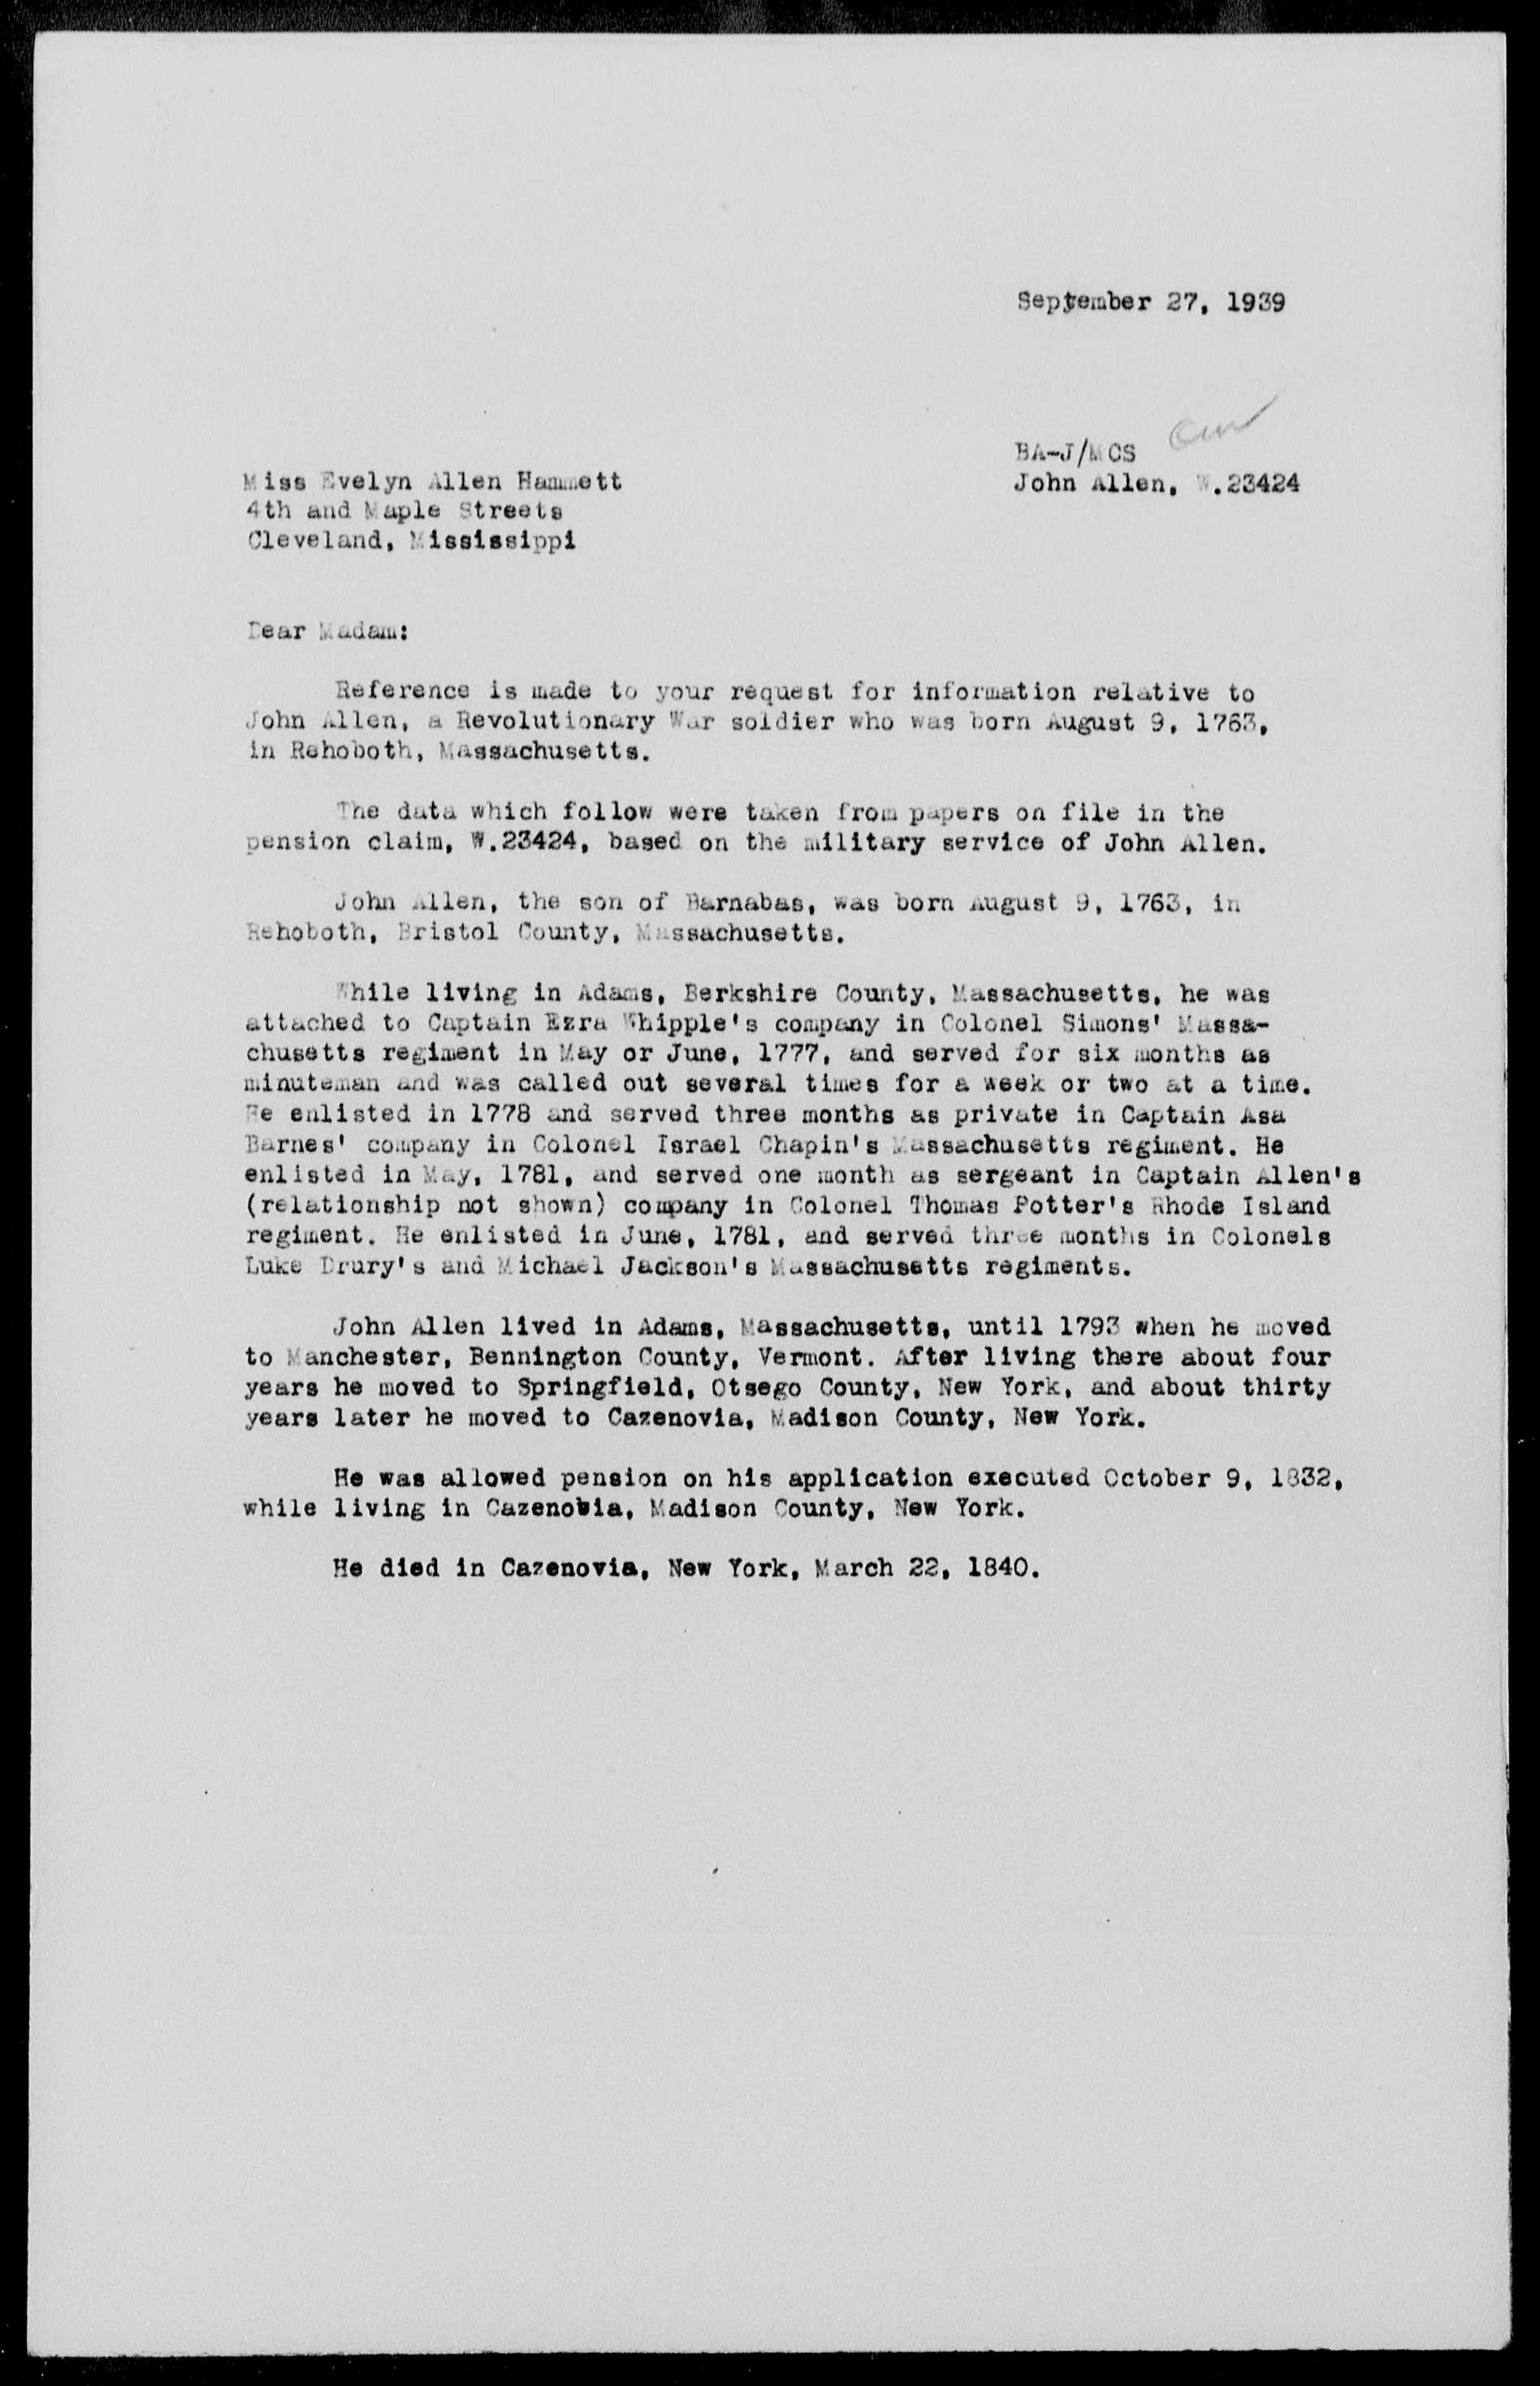September 27, 1939 

Miss Evelyn Allen Hammett    BA-J/MCS 
                                                [illegible initials]
4th and Maple Streets 	    JohnAllen, W.23424
Cleveland, Mississippi
 
Dear Madam:
Reference is made to your request for information relative to John Allen, a Revolutionary War soldier who was born August 9, 1763, in Rehoboth, Massachusetts. 
The data which follow were taken from papers on file in the pension claim, W.23424, based on the military service of John Allen. 
John Allen, the son of Barnabas, was born August 9, 1763, in Rehoboth, Bristol County, Massachusetts.
While living in Adams, Berkshire County, Massachusetts, he was attached to Captain Ezra Whipple's company in Colonel Simons' Massachusetts regiment in May or June, 1777, and served for six months as minuteman and was called out several times for a week or two at a time. He enlisted in 1778 and served three months as private in Captain Asa Barnes' company in Colonel Israel Chapin's Massachusetts regiment. He enlisted in May, 1781, and served one month as sergeant in Captain Allen's (relationship not shown ) company in Colonel Thomas Potter's Rhode Island regiment. He enlisted in June, 1781, and served three months in Colonels Luke Drury's and Michael Jackson's Massachusetts regiments. 
John Allen lived in Adams, Massachusetts, until 1793 when he moved to Manchester, Bennington County, Vermont. After living there about four years he moved to Springfield, Otsego County, New York, and about thirty years later he moved to Cazenovia, Madison County, New York. 
He was allowed pension on his application executed October 9, 1832, while living in Cazenobia, Madison County, New York. 
He died in Cazenovia, New York, March 22, 1840.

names: Evelyn Allen Hammett, Barnabas, John Allen, John Allen, John Allen, John Allen, John Allen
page: 30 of 74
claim: widow's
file: W. 23424, John Allen, Mass. R. I.